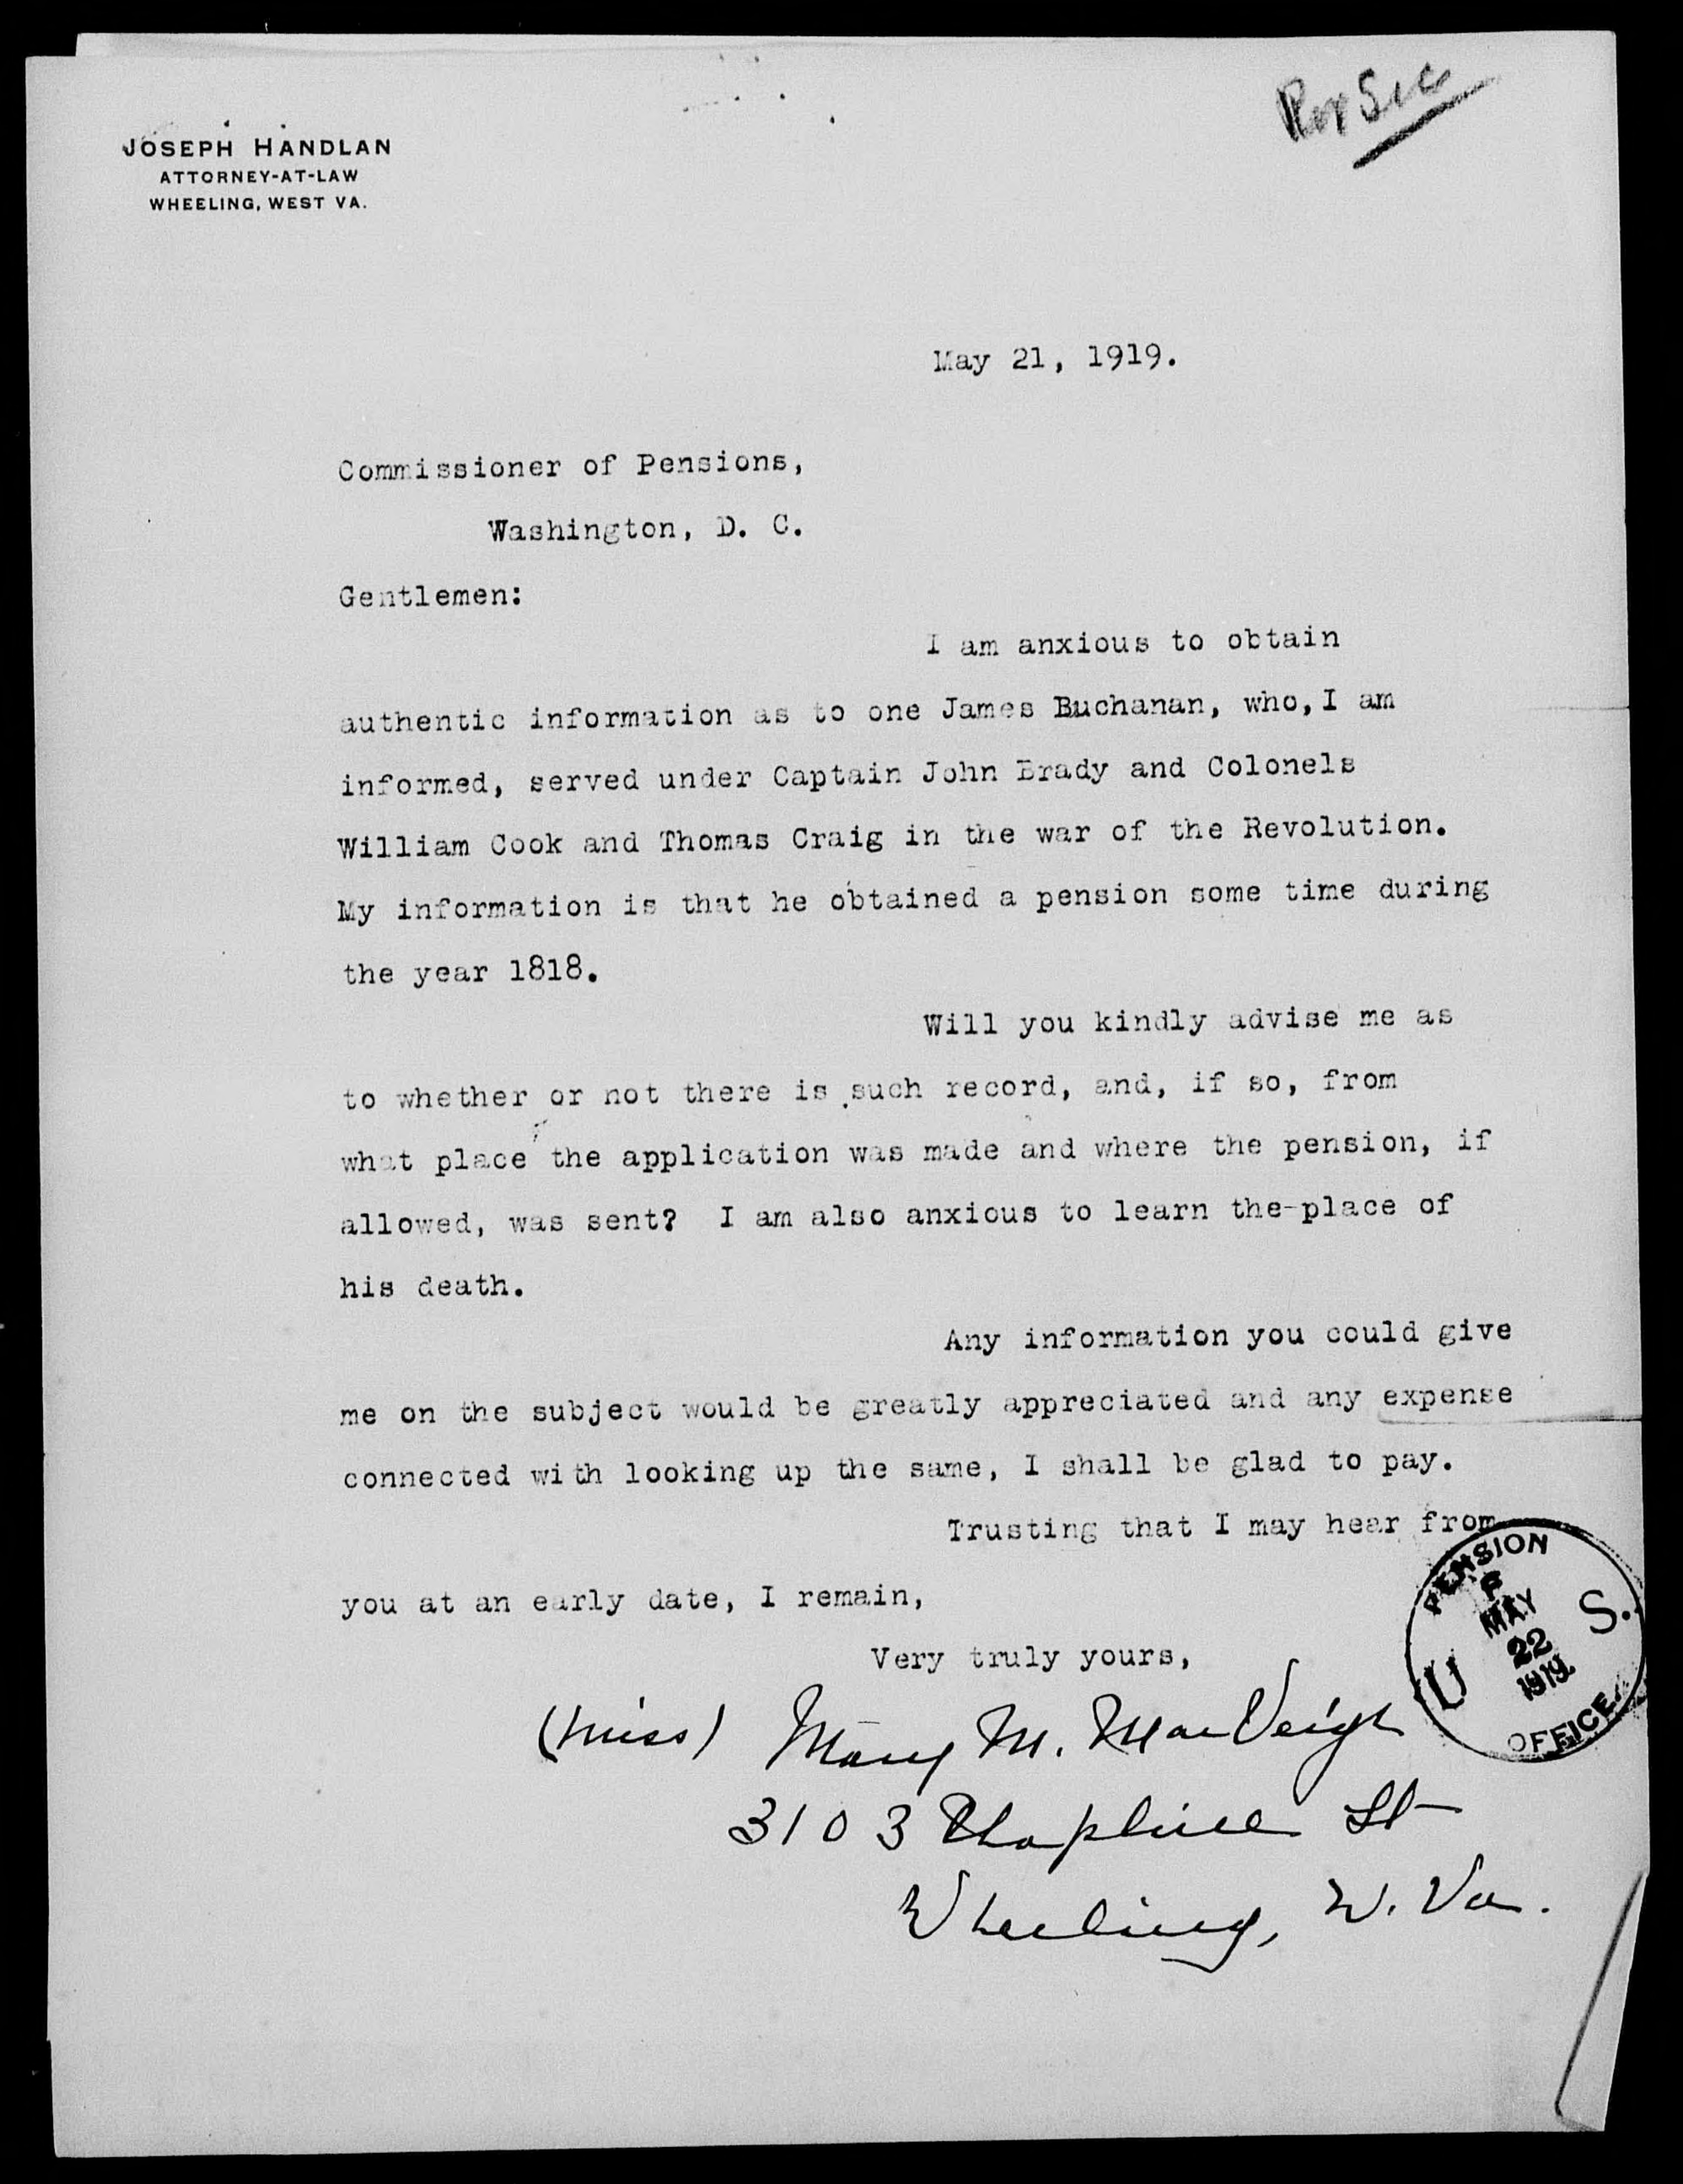JOSEPH HANDLAN 
ATTORNEY-AT-LAW WHEELING, WEST VA.

May 21, 1919.

Commissioner of Pensions, 
Washington, D. C. 

Gentlemen:  

I am anxious to obtain authentic information as to one James Buchanan, who, I am informed, served under Captain John Brady and Colonels William Cook and Thomas Craig in the war of the Revolution. My information is that he obtained a pension some time during the year 1818. 

Will you kindly advise me as to whether or not there is such record, and, if so, from what place the application was made and where the pension, if allowed, was sent? I am also anxious to learn the place of his death. 

Any information you could give me on the subject would be greatly appreciated and any expense connected with looking up the same, I shall be glad to pay. Trusting that I may hear you at an early date, I remain, 

Very truly yours, 

(Miss) Mary M. MacVeigh
 3103 Chapline St 
Wheeling, W. Va.

(Stamp: US Pension Office May 22 1919)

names: John Brady, James Buchanan, Thomas Craig, Joseph Handlan, William Cook, Mary M Mac Veigh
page: 15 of 15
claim: survivor's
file: S. 40,765, James Buchanan, Pa.